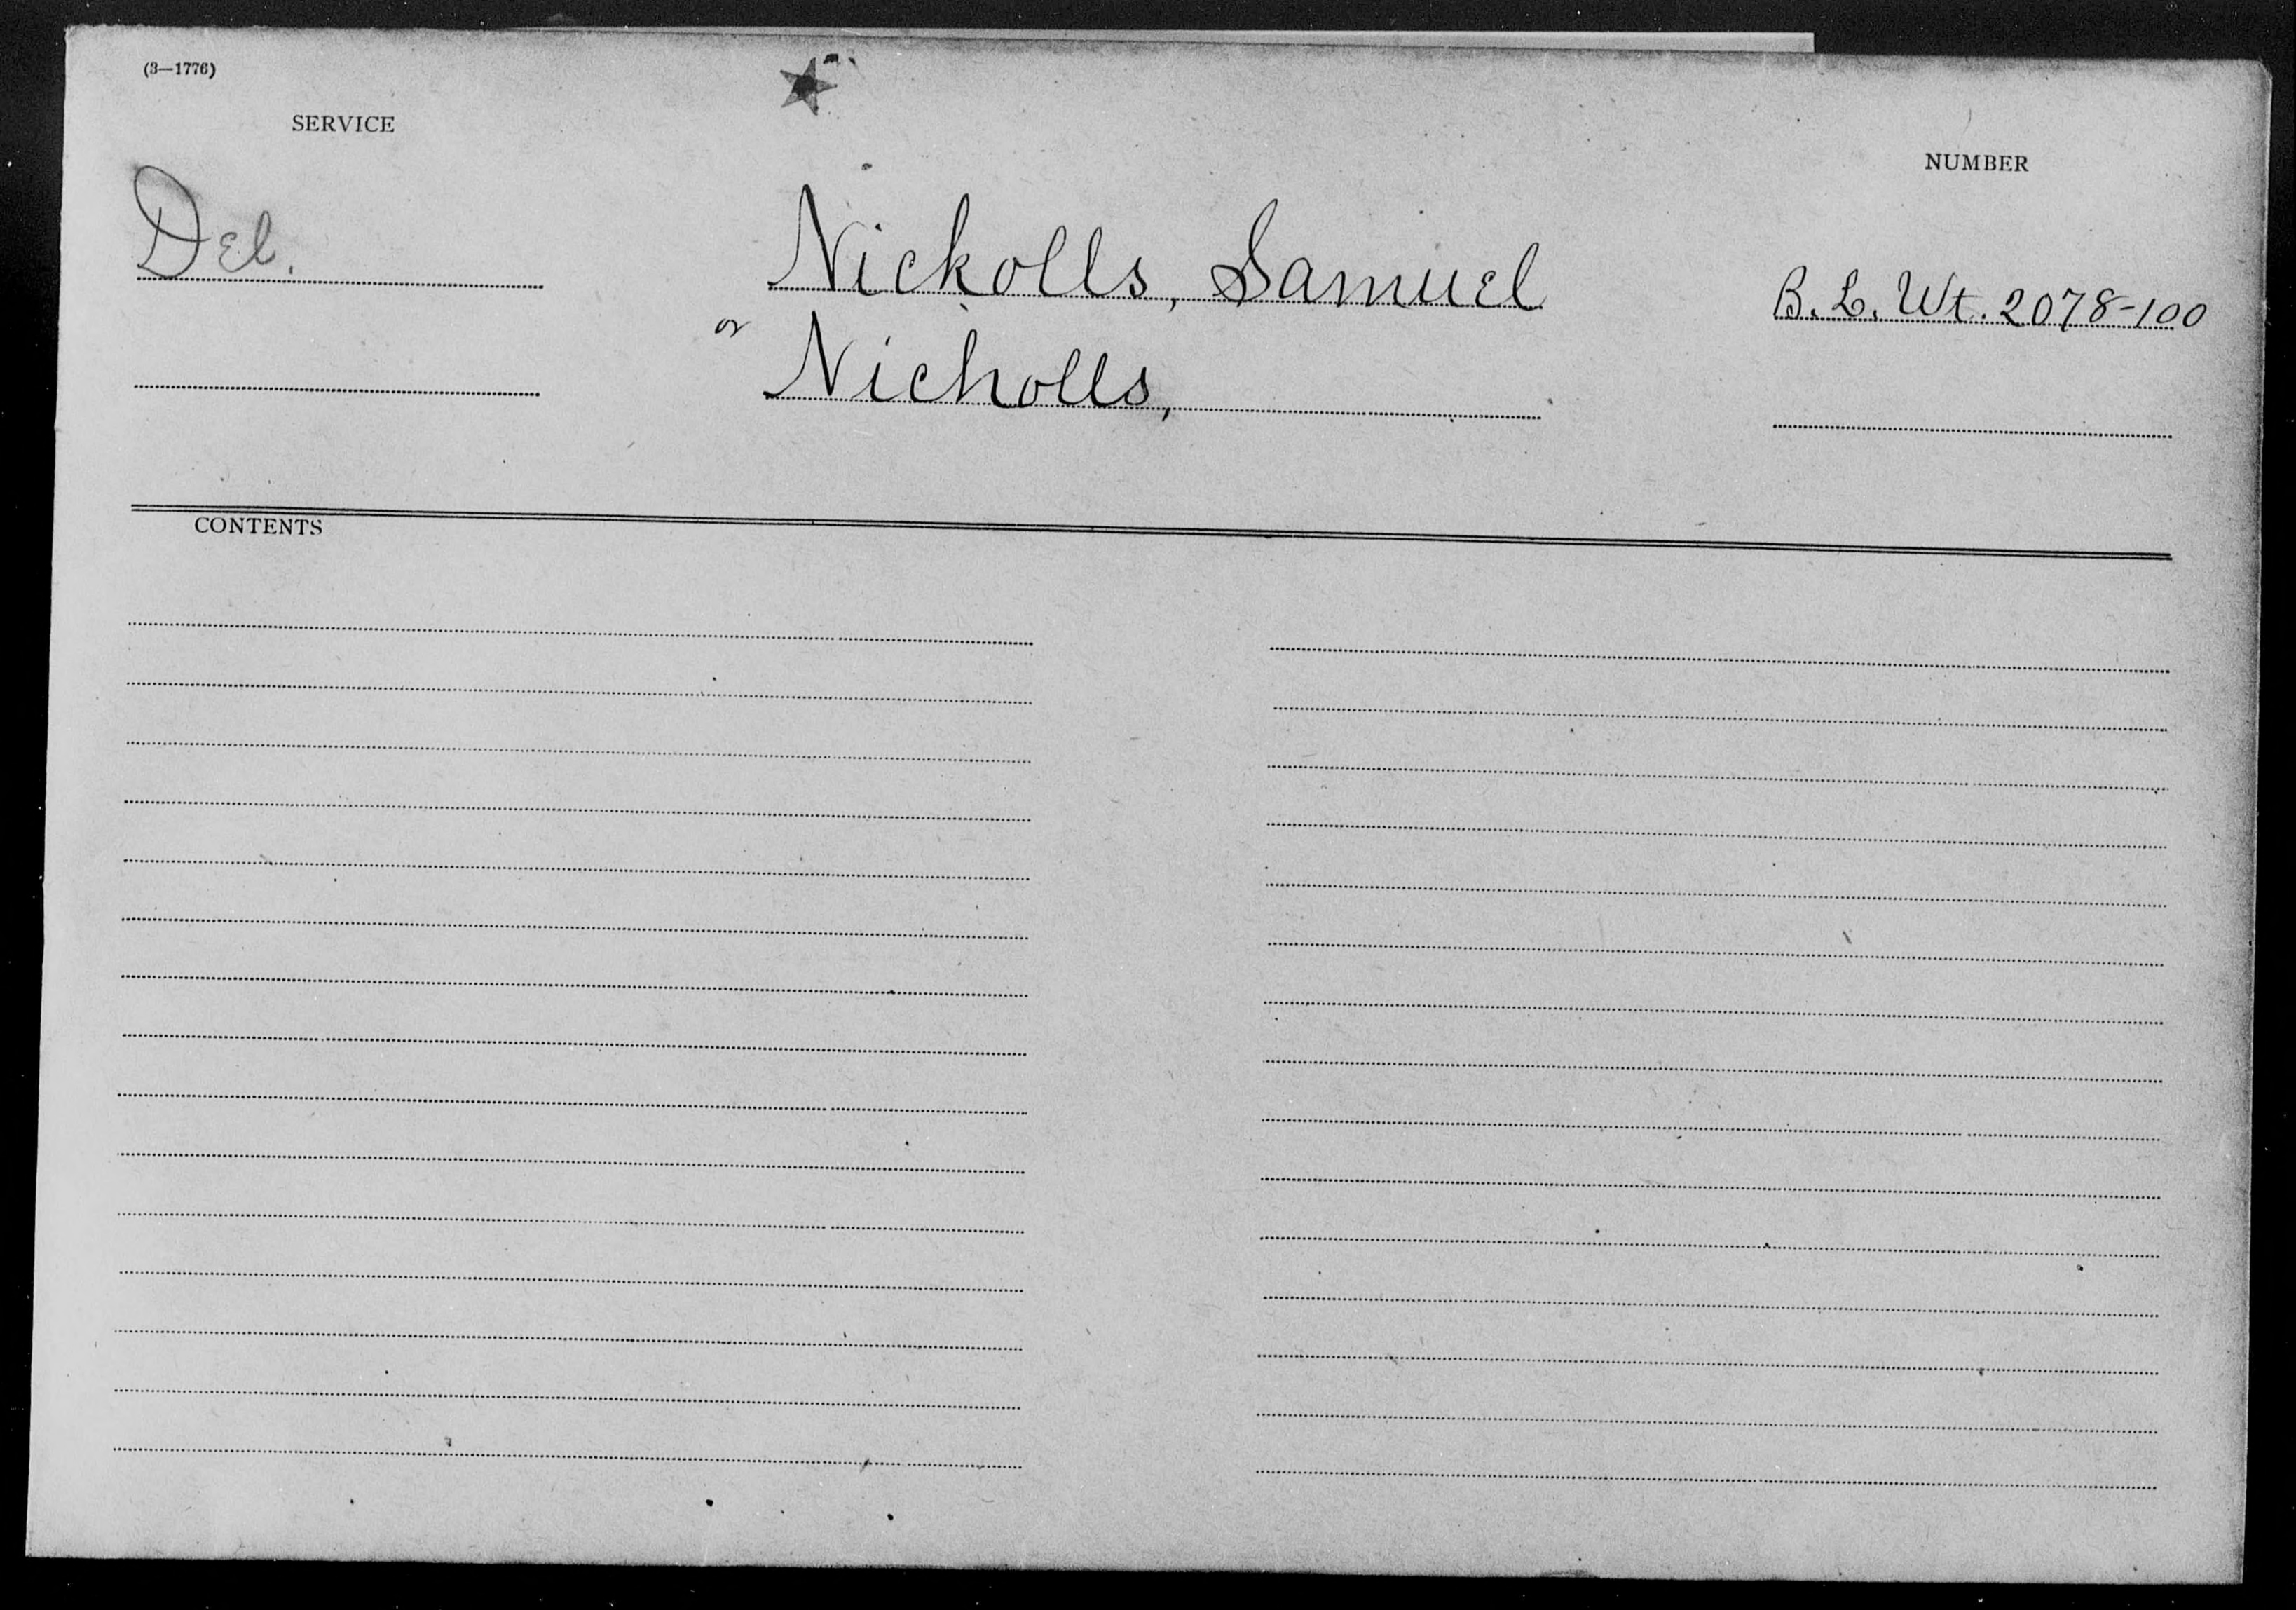[printed and handwritten]

SERVICE
Del.
Nickolls, Samuel
or Nicholls,
NUMBER
B. L. Wt. 2078-100
CONTENTS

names: Samuel Nicholls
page: 1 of 7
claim: bounty land warrant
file: B. L. Wt. 2078-100, for Samuel Nickolls, Delaware